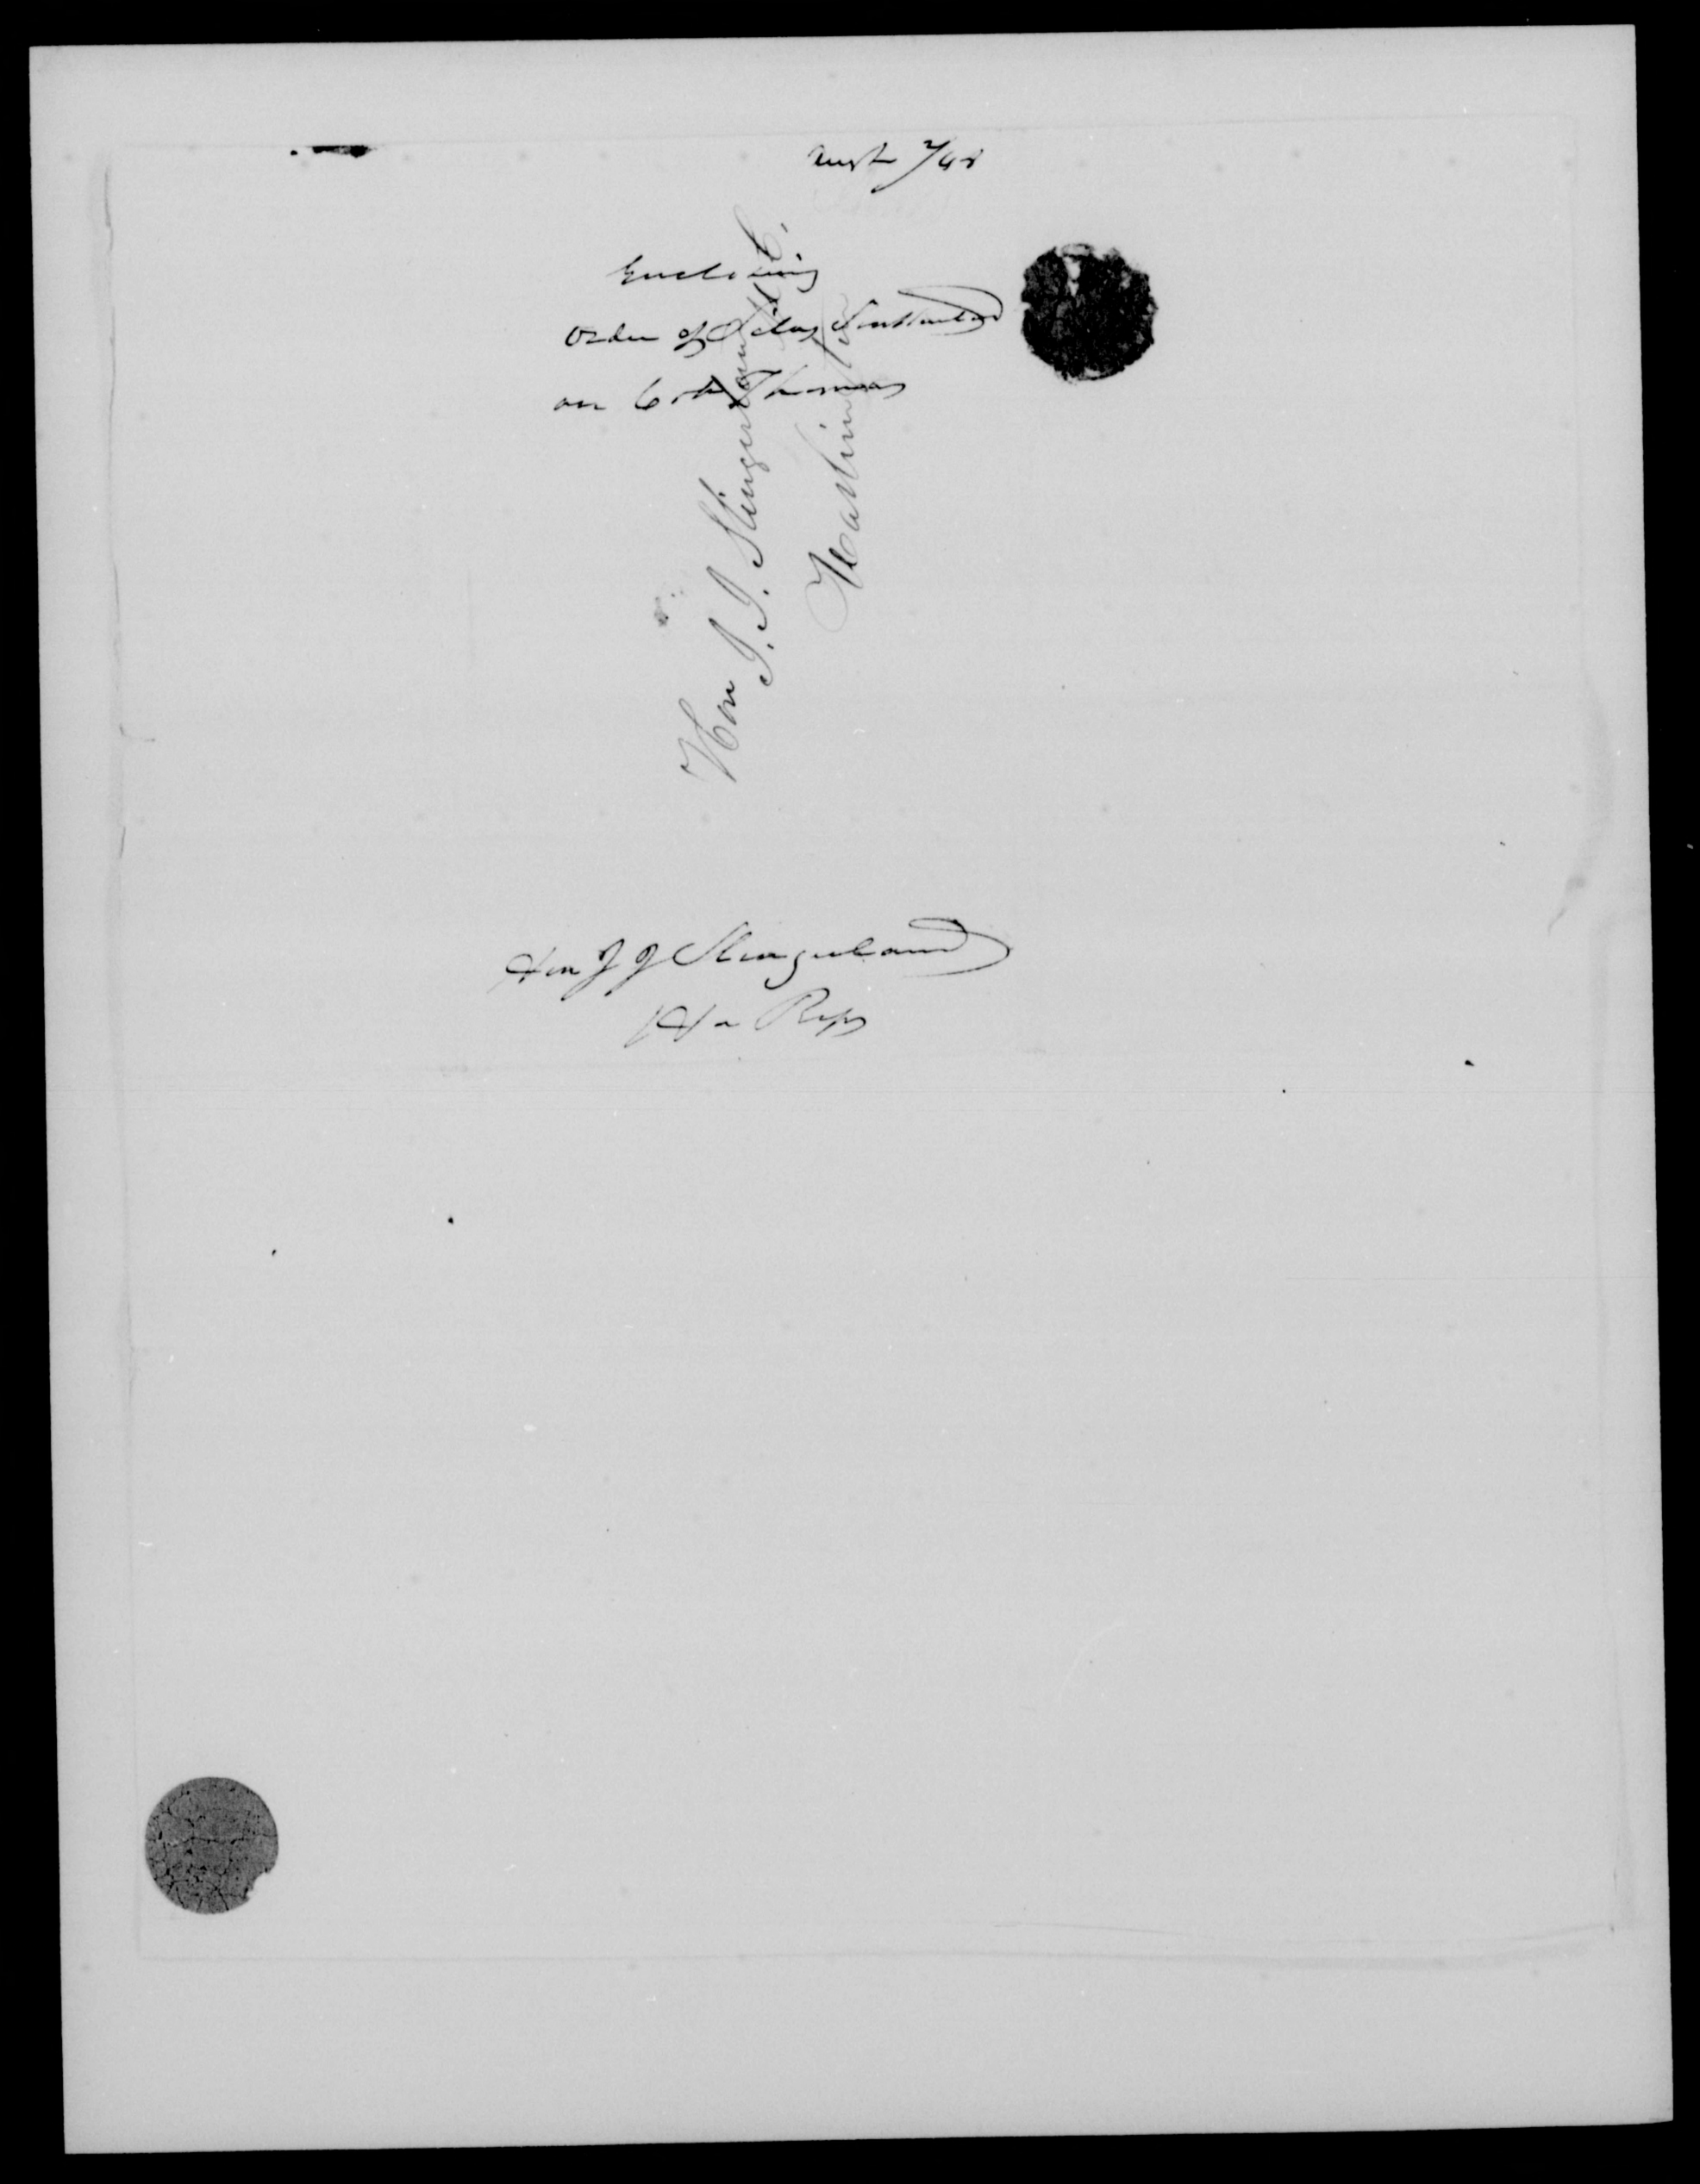New York

Enclosing
Order of Silas Sutherland
on [Col?] Thomas

Hon J.J. Slingerland M.C.
Washington

Hon J J Slingerland
 H Reps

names: J J Slingerland; J J Slingerland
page: 67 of 77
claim: survivor's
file: S. 23003, for Silas Southerland, New York